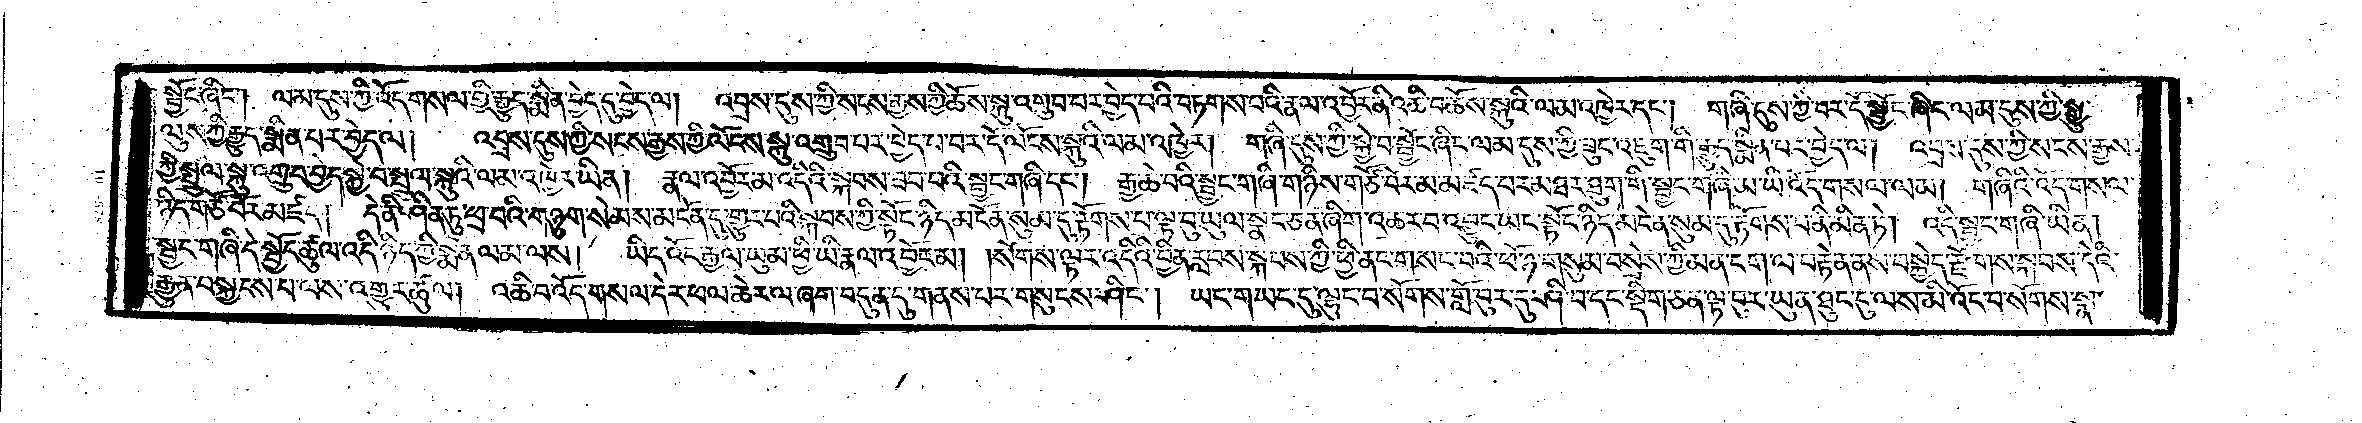སྦྱོང་ཞིང་། ལམ་དུས་ཀྱི་འོད་གསལ་གྱི་རྒྱུད་སྨིན་བྱེད་དུ་བྱེད་ལ། འབྲས་དུས་ཀྱི་སངས་རྒྱས་ཀྱི་ཆོས་སྐུ་འགྲུབ་པར་བྱེད་པའི་བཏགས་པའི་རྣལ་འབྱོར་ནི་འཆི་བ་ཆོས་སྐུའི་ལམ་འཁྱེར་དང་། གཞི་དུས་ཀྱི་བར་དོ་སྦྱོང་ཞིང་ལམ་དུས་ཀྱི་སྒྱུ་
ལུས་ཀྱི་རྒྱུད་སྨིན་པར་བྱེད་ལ། འབྲས་དུས་ཀྱི་སངས་རྒྱས་ཀྱི་ལོངས་སྐུ་འགྲུབ་པར་བྱེད་པ་བར་དོ་ལོངས་སྐུའི་ལམ་འཁྱེར། གཞི་དུས་ཀྱི་སྐྱེ་བ་སྦྱོང་ཞིང་ལམ་དུས་ཀྱི་ཟུང་འཇུག་གི་རྒྱུད་སྨིན་བར་བྱེད་ལ། འབྲས་དུས་ཀྱི་སངས་རྒྱས་
ཀྱི་སྤྲུལ་སྐུ་འགྲུབ་བྱེད་སྐྱེ་བ་སྤྲུལ་སྐུའི་ལམ་འཁྱེར་ཡིན། །རྣལ་འབྱོར་མ་འདིའི་སྐབས་ཟབ་པའི་སྦྱང་གཞི་དང་། རྒྱ་ཆེ་བའི་སྦྱང་གཞི་གཉིས་གཙོ་བོར་མ་མཛད་པར་མཐར་ཐུག་གི་སྦྱང་གཞི་མ་ཡི་འོད་གསལ་ལམ། གཞིའི་འོད་གསལ་
ཉིད་གཙོ་བོར་མཛད། དེ་ནི་ཤིན་ཏུ་ཕྲ་བའི་གཉུག་སེམས་མངོན་དུ་གྱུར་བའི་སྐབས་ཀྱི་སྟོང་ཉིད་མངོན་སུམ་དུ་རྟོགས་པ་ལྟ་བུ་ཡུལ་སྣང་ཅན་ཞིག་འཆར་བ་འབྱུང་ཡང་སྟོང་ཉིད་མངོན་སུམ་དུ་རྟོགས་པ་ནི་མིན་ཏེ། འདི་སྦྱང་གཞི་ཡིན།
སྦྱང་གཞི་དེ་སྤྱོད་ཚུལ་འདི་ཉིད་ཀྱི་སྨོན་ལམ་ལས། ཡིད་འོང་རྒྱལ་ཡུམ་ཕྱི་ཡི་རྣལ་འབྱོར་མ། །སོགས་ལྟར་འདིའི་བྱིན་རླབས་སྐབས་ཀྱི་ཕྱི་ནང་གསང་བའི་ཕོ་ཉ་གསུམ་བསྲེས་ཀྱི་མན་ངག་ལ་བརྟེན་ནས་བསྐྱེད་རྫོགས་སྐབས་དེའི་
རྒྱུན་བསྐྱངས་པ་ལས་འབྱུང་ཚུལ། འཆི་བ་འོད་གསལ་དེར་ཕལ་ཆེར་ལ་ཞག་བདུན་དུ་གནས་པར་གསུངས་ཤིང་། ཡང་གཡང་དུ་ལྷུང་བ་སོགས་གློ་བུར་དུ་ཤི་བ་དང་སྡིག་ཅན་ལྟ་བུར་ཡུན་ཐུང་ངུ་ལས་མི་འོང་བ་སོགས་སྣ་